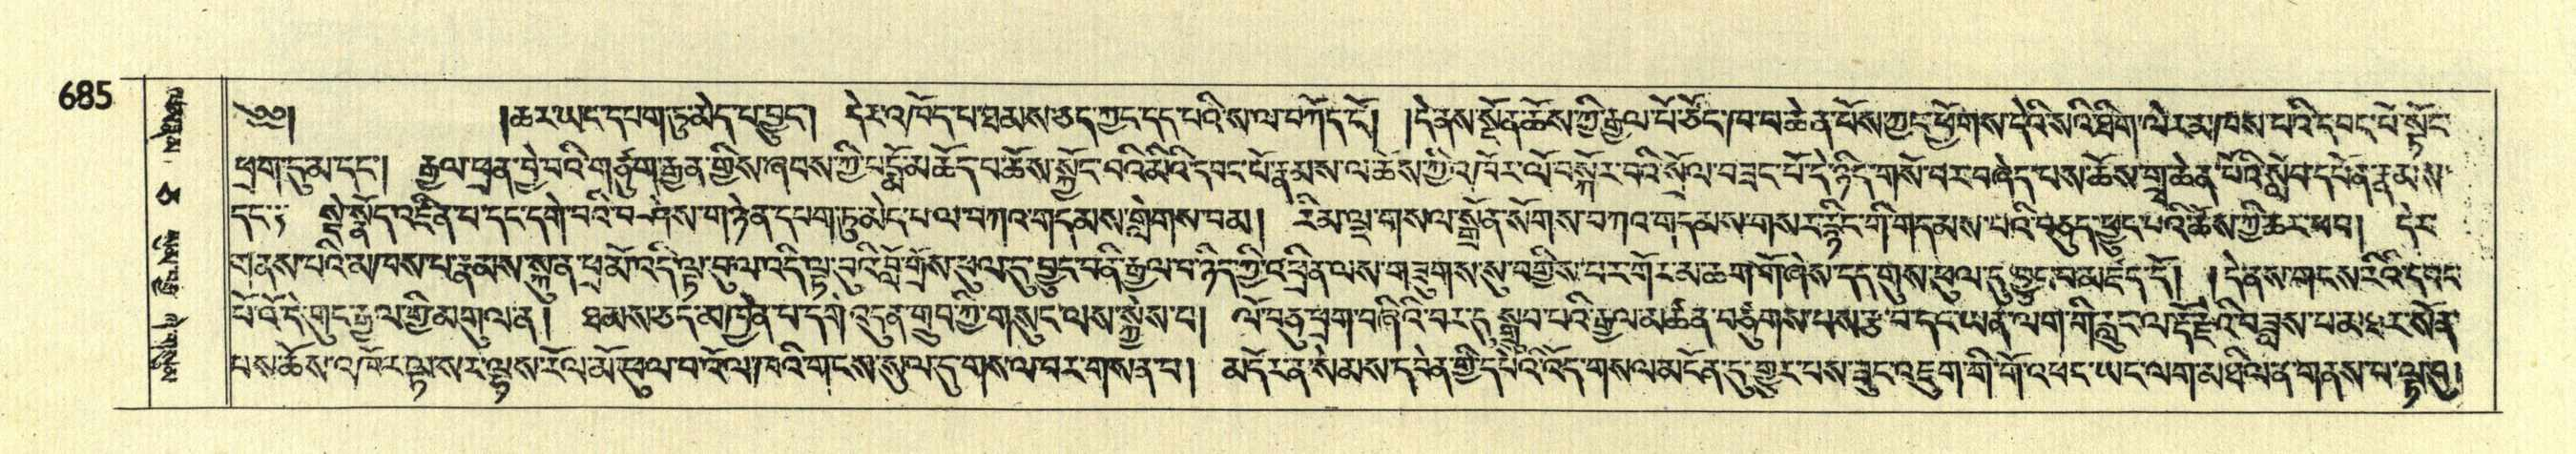༄༅། །ཆར་ཡང་དཔག་ཏུ་མེད་པ་བྱུང་། དེར་འཁོད་པ་ཐམས་ཅད་ཀྱང་དད་པའི་ས་ལ་བཀོད་དོ། །དེ་ནས་སྔོན་ཆོས་ཀྱི་རྒྱལ་པོ་ཙོང་ཁ་པ་ཆེན་པོས་ཀྱང་ཕྱོགས་དེའི་སའི་ཐིག་ལེར་མཁས་པའི་དབང་པོ་སྟོང་
ཕྲག་དུ་མ་དང་། རྒྱལ་ཕྲན་བྱེ་བའི་གཙུག་རྒྱན་གྱིས་ཞབས་ཀྱི་པདམོ་མཆོད་པ་ཆོས་སྐྱོང་བའི་མིའི་དབང་པོ་རྣམས་ལ་ཆོས་ཀྱི་འཁོར་ལོ་བསྐོར་བའི་སྲོལ་བཟང་པོ་དེ་ཉིད་གོས་བར་བཞེད་པས་ཆོག་གྲྭ་ཆེན་པོའི་སློབ་དཔོན་རྣམས་
དང༑ སྡེ་སྣོད་འཛིན་པ་དང་དགེ་བའི་བཤེས་གཉེན་དཔག་ཏུ་མེད་པ་ལ་བཀའ་གདམས་གླེགས་བམ། རིམ་ལྔ་གསལ་སྒྲོན་སོགས་བཀའ་གདམས་གསར་སྙིང་གི་གདམས་པའི་བཅུད་ཕྱུང་པའི་ཆོས་ཀྱི་ཆར་ཕབ། དེ༤ར་
གནས་པའི་མཁས་པ་རྣམས་སྐུ་ན་ཕྲ་མོ་འདི་ལྟ་བུ་འདི་ལ་བུའི་བློ་གྲོས་ཕུལ་དུ་བྱུང་བ་ནི་རྒྱལ་བ་ཉིད་ཀྱི་འཕྲིན་ལས་གཟུགས་སུ་བགྱིས་པར་གོར་མ་ཆག་གོ་ཞེས་དད་གུས་ཕུལ་དུ་བྱུང་བ་མཛད་དོ། །དེ་ནས་གངས་རིའི་དབང་
པོ་འོ་དེ་གུང་རྒྱལ་གྱི་མགུལ་ན། ཐམས་ཅད་མཁྱེན་པ་དགེ་འདུན་གྲུབ་ཀྱི་གསུང་ལས་སྐྱེས་པ། ལོ་བཅུ་ཕྲག་བཞིའི་བར་དུ་སྒྲུབ་པའི་རྒྱལ་མཚན་བཙུགས་པས་རྩ་བ་དང་ཡན་ལག་གི་རླུང་ལ་རྡོ་རྗེའི་བཟླས་པ་མཐར་སོན་
པས་ཆོས་འཁོར་ལྟ་སར་ལྷ་ས་རོལ་མོ་ཕུལ་བ་འོལ་ཁའི་གངས་སུལ་དུ་གསལ་བར་གསན་པ། མདོར་ན་སེམས་དབེན་གྱི་དཔེའི་འོད་གསལ་མངོན་དུ་གྱུར་པས་ཟུང་འཇུག་གི་གོ་འཕང་ཡང་ལག་མཐིལ་ན་གནས་པ་ལྟ་བུ།